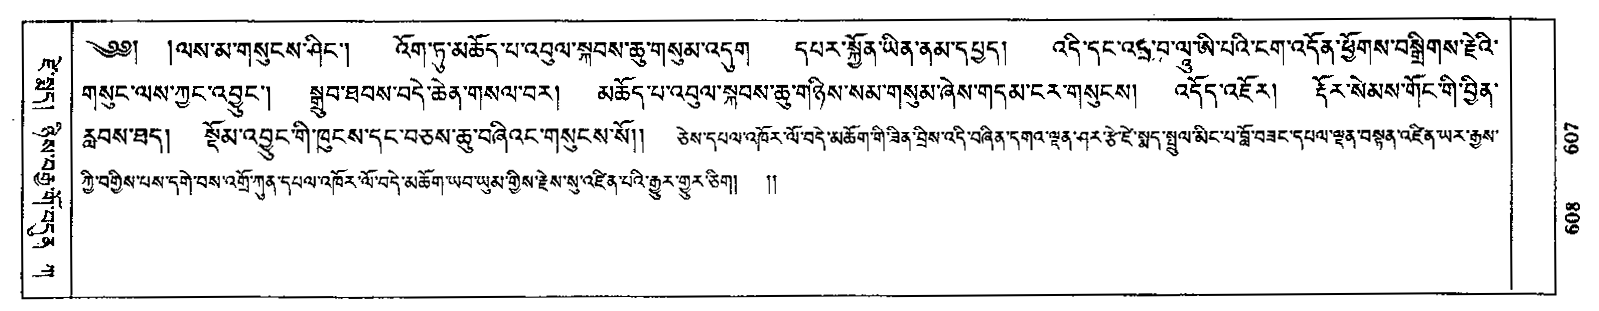༄༅། །ལས་མ་གསུངས་ཤིང་། འོག་ཏུ་མཆོད་པ་འབུལ་སྐབས་ཆུ་གསུམ་འདུག་དཔར་སྐྱོན་ཡིན་ནམ་དཔྱད། འདི་དང་འདྲ་བ་ལཱུ་ཨི་པའི་ངག་འདོན་ཕྱོགས་བསྒྲིགས་རྗེའི་
གསུང་ལས་ཀྱང་འབྱུང་། སྒྲུབ་ཐབས་བདེ་ཆེན་གསལ་བར། མཆོད་པ་འབུལ་སྐབས་ཆུ་གཉིས་སམ་གསུམ་ཞེས་གདམ་ངར་གསུངས། འདོད་འཇོར། རྡོར་སེམས་གོང་གི་བྱིན་
རླབས་ཐད། སྡོམ་འབྱུང་གི་ཁུངས་དང་བཅས་ཆུ་བཞིའང་གསུངས་སོ།། ཅེས་དཔལ་འཁོར་ལོ་བདེ་མཆོག་གི་ཟིན་བྲིས་འདི་བཞིན་དགའ་ལྡན་ཤར་རྩེ་རྫེ་སྨད་སྤྲུལ་མིང་པ་བློ་བཟང་དཔལ་ལྡན་བསྟན་འཛིན་ཡར་རྒྱས་
ཀྱི་བགྱིས་པས་དགེ་བས་འགྲོ་ཀུན་དཔལ་འཁོར་ལོ་བདེ་མཆོག་ཡབ་ཡུམ་གྱིས་རྗེས་སུ་འཛིན་པའི་རྒྱུར་གྱུར་ཅིག། །།